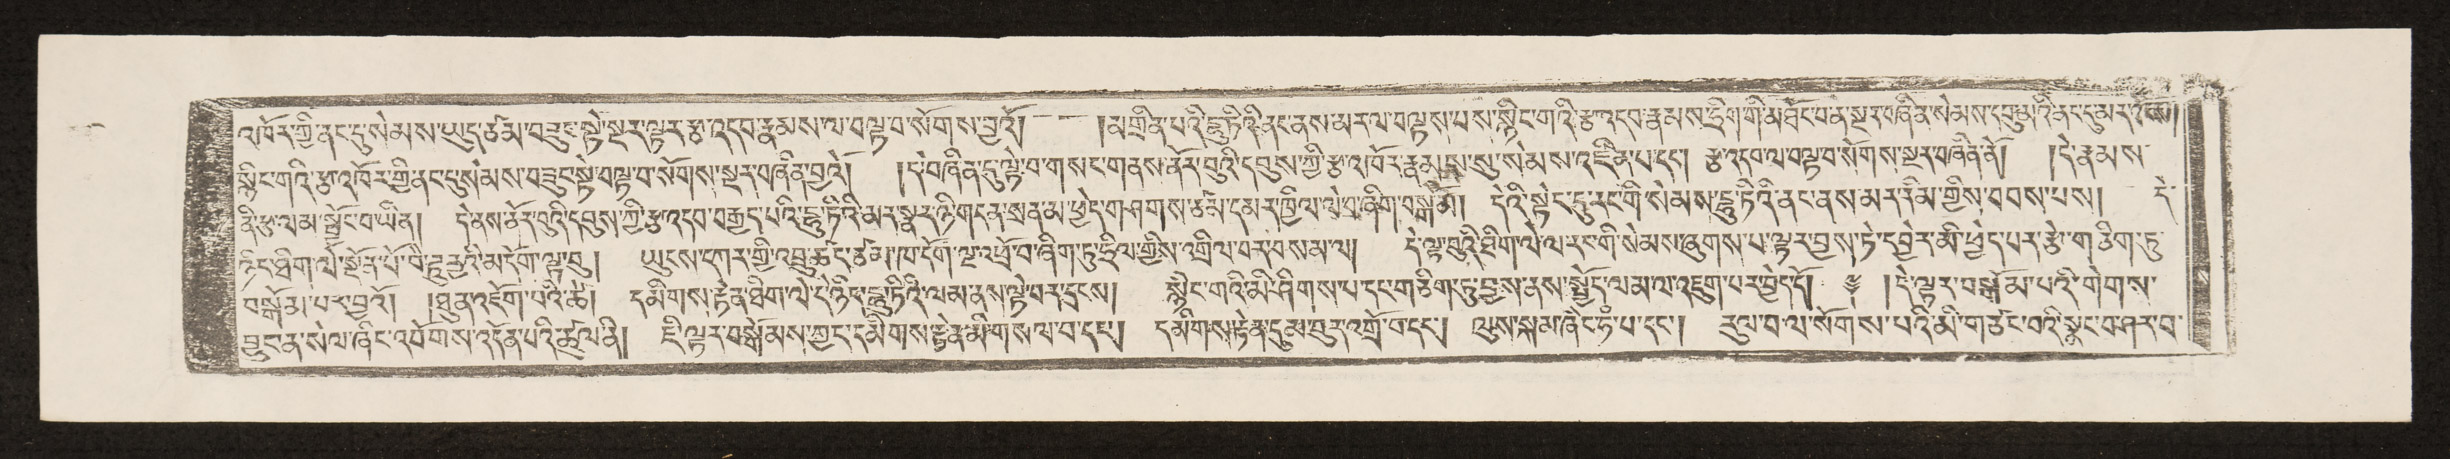འཁོར་གྱི་ནང་དུ་སེམས་ཡུད་ཙམ་བཟུང་སྟེ་སྔར་ལྟར་རྩ་འདབ་རྣམས་ལ་བལྟ་བ་སོགས་བྱའོ། །མགྲིན་པའི་དྷུ་ཏིའི་ནང་ནས་མར་ལ་བལྟས་པས་སྙིང་གའི་རྩ་འདབ་རྣམས་ཧྲིག་གེ་མཐོང་བ་ན་སྔར་བཞིན་སེམས་དབུ་མའི་ནང་དུ་མར་འོངས།
སྙིང་གའི་རྩ་འཁོར་གྱི་ནང་དུ་སེམས་བཟུང་སྟེ་བལྟ་བ་སོགས་སྔར་བཞིན་བྱའོ། །དེ་བཞིན་དུ་ལྟེ་བ་གསང་གནས་ནོར་བུའི་དབུས་ཀྱི་རྩ་འཁོར་རྣམས་སུ་སེམས་འཛིན་པ་དང་། རྩ་འདབ་པ་བལྟ་བ་སོགས་སྔར་བཞིན་ནོ། །དེ་རྣམས་
ནི་རྩ་ལམ་སྤྱོད་པ་ཡིན། དེ་ནས་ནོར་བུའི་དབུས་ཀྱི་རྩ་འདབ་བརྒྱད་པའི་དྷུ་ཏིའི་མར་སྣར་ཉི་བདན་སྲན་མ་བྱེད་གཤགས་ཙམ་དམར་ཁྱིལ་ལེ་བཞིག་བསྒོམ། དེའི་སྟེང་དུ་རང་གི་སེམས་དྷུ་ཏིའི་ནང་ནས་མར་རིམ་གྱིས་བབས་པས། དེ་
ཉིད་ཐིག་ལེ་སྔོན་ཕོ་བི་ཌཱུརྱའི་མདོག་ལྟ་བུ། ཡུངས་དཀར་གྱི་འབྲུ་ཚད་ཙམ་ཁ་དོག་ལྔ་འཕྲོ་བཞིག་ཏུ་ཧྲིལ་གྱིས་འགྲིལ་བར་བསམ་ལ། དེ་ལྟ་བུའི་ཐིག་ལེ་ལ་རང་གི་སེམས་ཞུགས་པ་ལྟར་བྱས་ཏེ་དབྱེར་མི་ཕྱེད་པར་རྩེ་གཅིག་ཏུ་
བསྒོམ་པར་བྱའོ། །ཐུན་འཇོག་པའི་ཚེ། དམིགས་རྟེན་ཐིག་ལེ་དེ་ཉིད་དྷུ་ཏིའི་ལམ་ནས་ལྟོ་བར་དྲངས། སྙིང་གའི་མི་ཤིགས་པ་དང་གཅིག་ཏུ་བྱས་ནས་སྤྱོད་ལམ་ལ་འཇུག་པར་བྱེད་དོ། ༈ །དེ་ལྟར་བསྒོམ་པའི་གེགས་
བྱུང་ན་སེལ་ཞིང་བོགས་འདོན་པའི་ཚུལ་ནི། ཇི་ལྟར་བསྒོམས་ཀྱང་དམིགས་རྟེན་མི་གསལ་བ་དང་། དམིགས་རྟེན་དུམ་བུར་འགྲོ་བ་དང་། ལུས་སྐམ་ཞིང་ཧི་པ་དང་། རུལ་བ་ལ་སོགས་པའི་མི་གཙང་བའི་སྣང་བ་ཤར་བ་